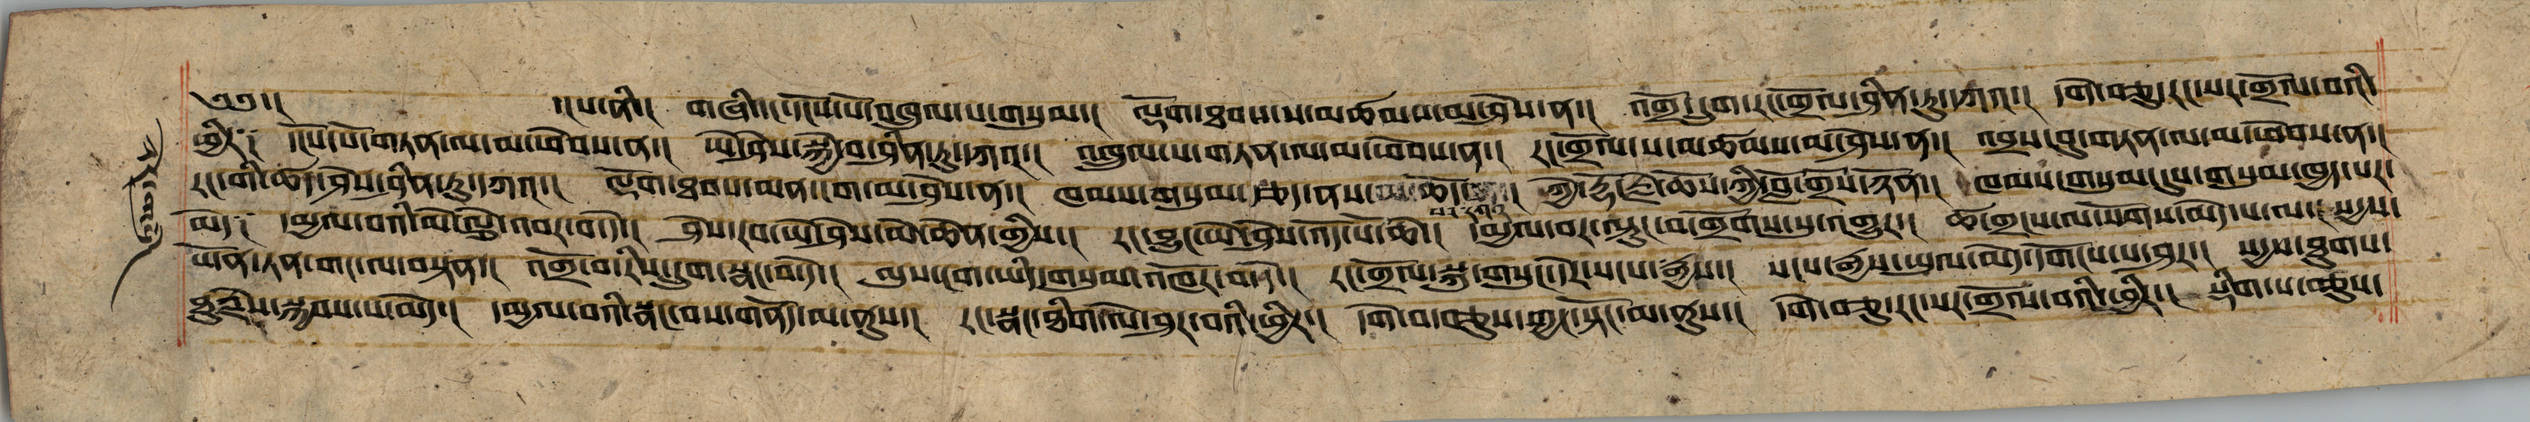༄༅་། ་།པ་ནི་། གཞིའང་དངོས་པོ་འཁྲུལ་པ་གསུམ་། ལྡོག་ཐབས་ས་མཚམས་མ་ཤེས་ན་། འགྲོ་དྲུག་རང་གྲོལ་ཤིན་ཏུ་དཀའ་། དགེ་བཅུ་རང་སར་གྲོལ་བའི་
ཕྱིར༑ དངོས་པོ་གཏན་ལ་མ་ཕེབས་ན་། ཡེ་ཤེས་སྐྱེ་བ་ཤིན་ཏུ་དཀའ་། འཁྲུལ་པ་གཏན་ལ་མ་ཕེབས་ན་། རང་གྲོལ་ས་མཚམས་མ་ཤེས་ན་། འབྲས་བུ་གཏན་ལ་མ་ཕེབས་ན་།
རང་གི་ཚད་ཤེས་ཤིན་ཏུ་དཀའ་། ལྡོག་ཐབས་མན་ངག་མ་ཤེས་ན་། ཁམས་གསུམ་རྩད་ནས་མ་ཆོད་པར་དགའ་། ཀྱེ་རྡོ་རྗེ་ཆོས་ཀྱི་བློ་གྲོས་ཉོན་། ཁམས་གསུམ་དུས་གསུམ་ཁྱད་པར་
མེད༑ དམྱལ་བའི་མེ་ལྕེ་འབར་བ་དེ་། ཤེས་རབ་ཡེ་ཤེས་མེ་ཆེན་གྱིས་། རང་བྱུང་ཡེ་ཤེས་འོད་པོ་ཆེ་། དམྱལ་བར་ལྟུང་བ་གྲོགས་སུ་འགྱུར་། ཚ་གྲངས་ལ་སོགས་མེད་པ་ལ་། སདྱས་
ཡོན་ཏན་གང་ལ་བསྟན་། འགྲོ་བ་རིས་དྲུག་སྣང་བ་དེ་། ལུས་ངག་ཡིད་གསུམ་འཁོར་བ་དེ་། རང་གྲོལ་སྐུ་གསུང་དེར་སངས་རྒྱས་། སངས་རྒྱས་ཡུལ་མེད་དགོངས་པ་ཤར་། སདྱས་ཐུགས་
ཐུརྗེས་སྐྱབས་པ་མེད་། དམྱལ་བའི་སྣང་བས་གནོད་ལ་ནུས་། རང་སྣང་ཐིག་ལེ་ཤར་བའི་ཕྱིར་། དགེ་བ་བཅུས་ཀྱང་སྟོང་མ་ནུས་། དགེ་བཅུ་རང་སར་གྲོལ་བའི་ཕྱིར་། སྡིག་པ་བཅུས་